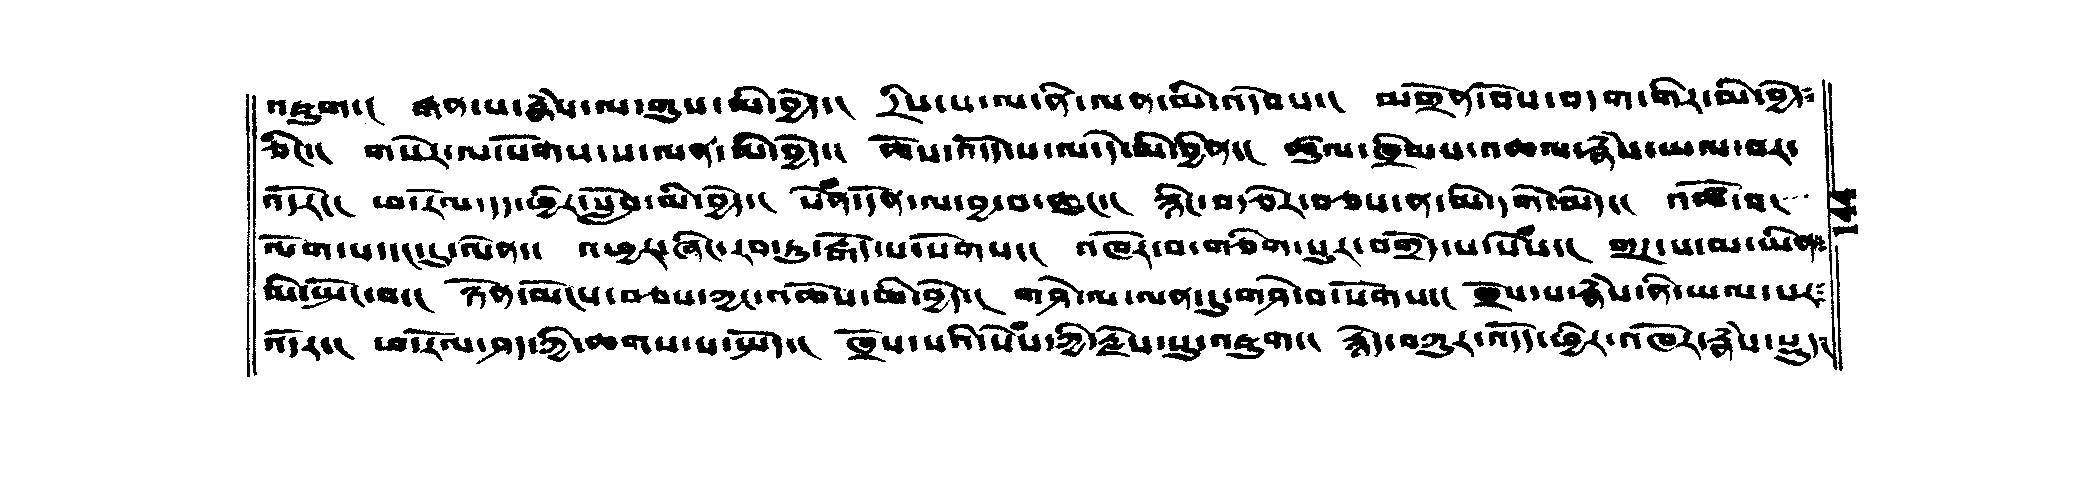འཇུག རྒན་པ་རྣམས་ལ་གུས་མི་བྱེད། དྲིས་པ་ལ་ནི་ལན་མི་འདེབས། མགྲོན་བོས་བདག་གིར་མི་བྱེད་
ཅིང་། གསེར་ལ་སོགས་པ་ལན་མི་བྱེད། ཆོས་འདོད་པ་ལ་དེ་མི་བྱིན། ཚུལ་ཁྲིམས་འཆལ་རྣམས་ཡལ་བར་
འདོར། ཕ་རོལ་དད་ཕྱིར་སློབ་མི་བྱེད། སེམས་ཅན་དོན་ལ་བྱ་བ་ཆུང་། སྙིང་བརྩེར་བཅས་ན་མི་དགེ་མེད། འཚོ་བ་
ལོག་པ་དང་དུ་ལེན།འཕྱར་ཞིང་རབ་ཏུ་རྒོད་པ་སོགས། འཁོར་བ་གཅིག་པུར་བགྲོད་པ་སེམས། གྲགས་པ་མ་ཡིན་
མི་སྤོང་བ། ཉོན་མོངས་བཅས་ཀྱང་འཆོས་མི་བྱེད། གཤེ་ལ་ལན་དུ་གཤེ་བ་སོགས། ཁྲོས་པ་རྣམས་ནི་ཡལ་པར་
འདོར། ཕ་རོལ་ཤད་ཀྱི་ཆགས་པ་སྤོད། ཁྲོས་པའི་སེམས་ཀྱི་རྗེས་སུ་འཇུག རྙེད་བཀུར་འདོད་ཕྱིར་འཁོར་རྣམས་སྡུད།